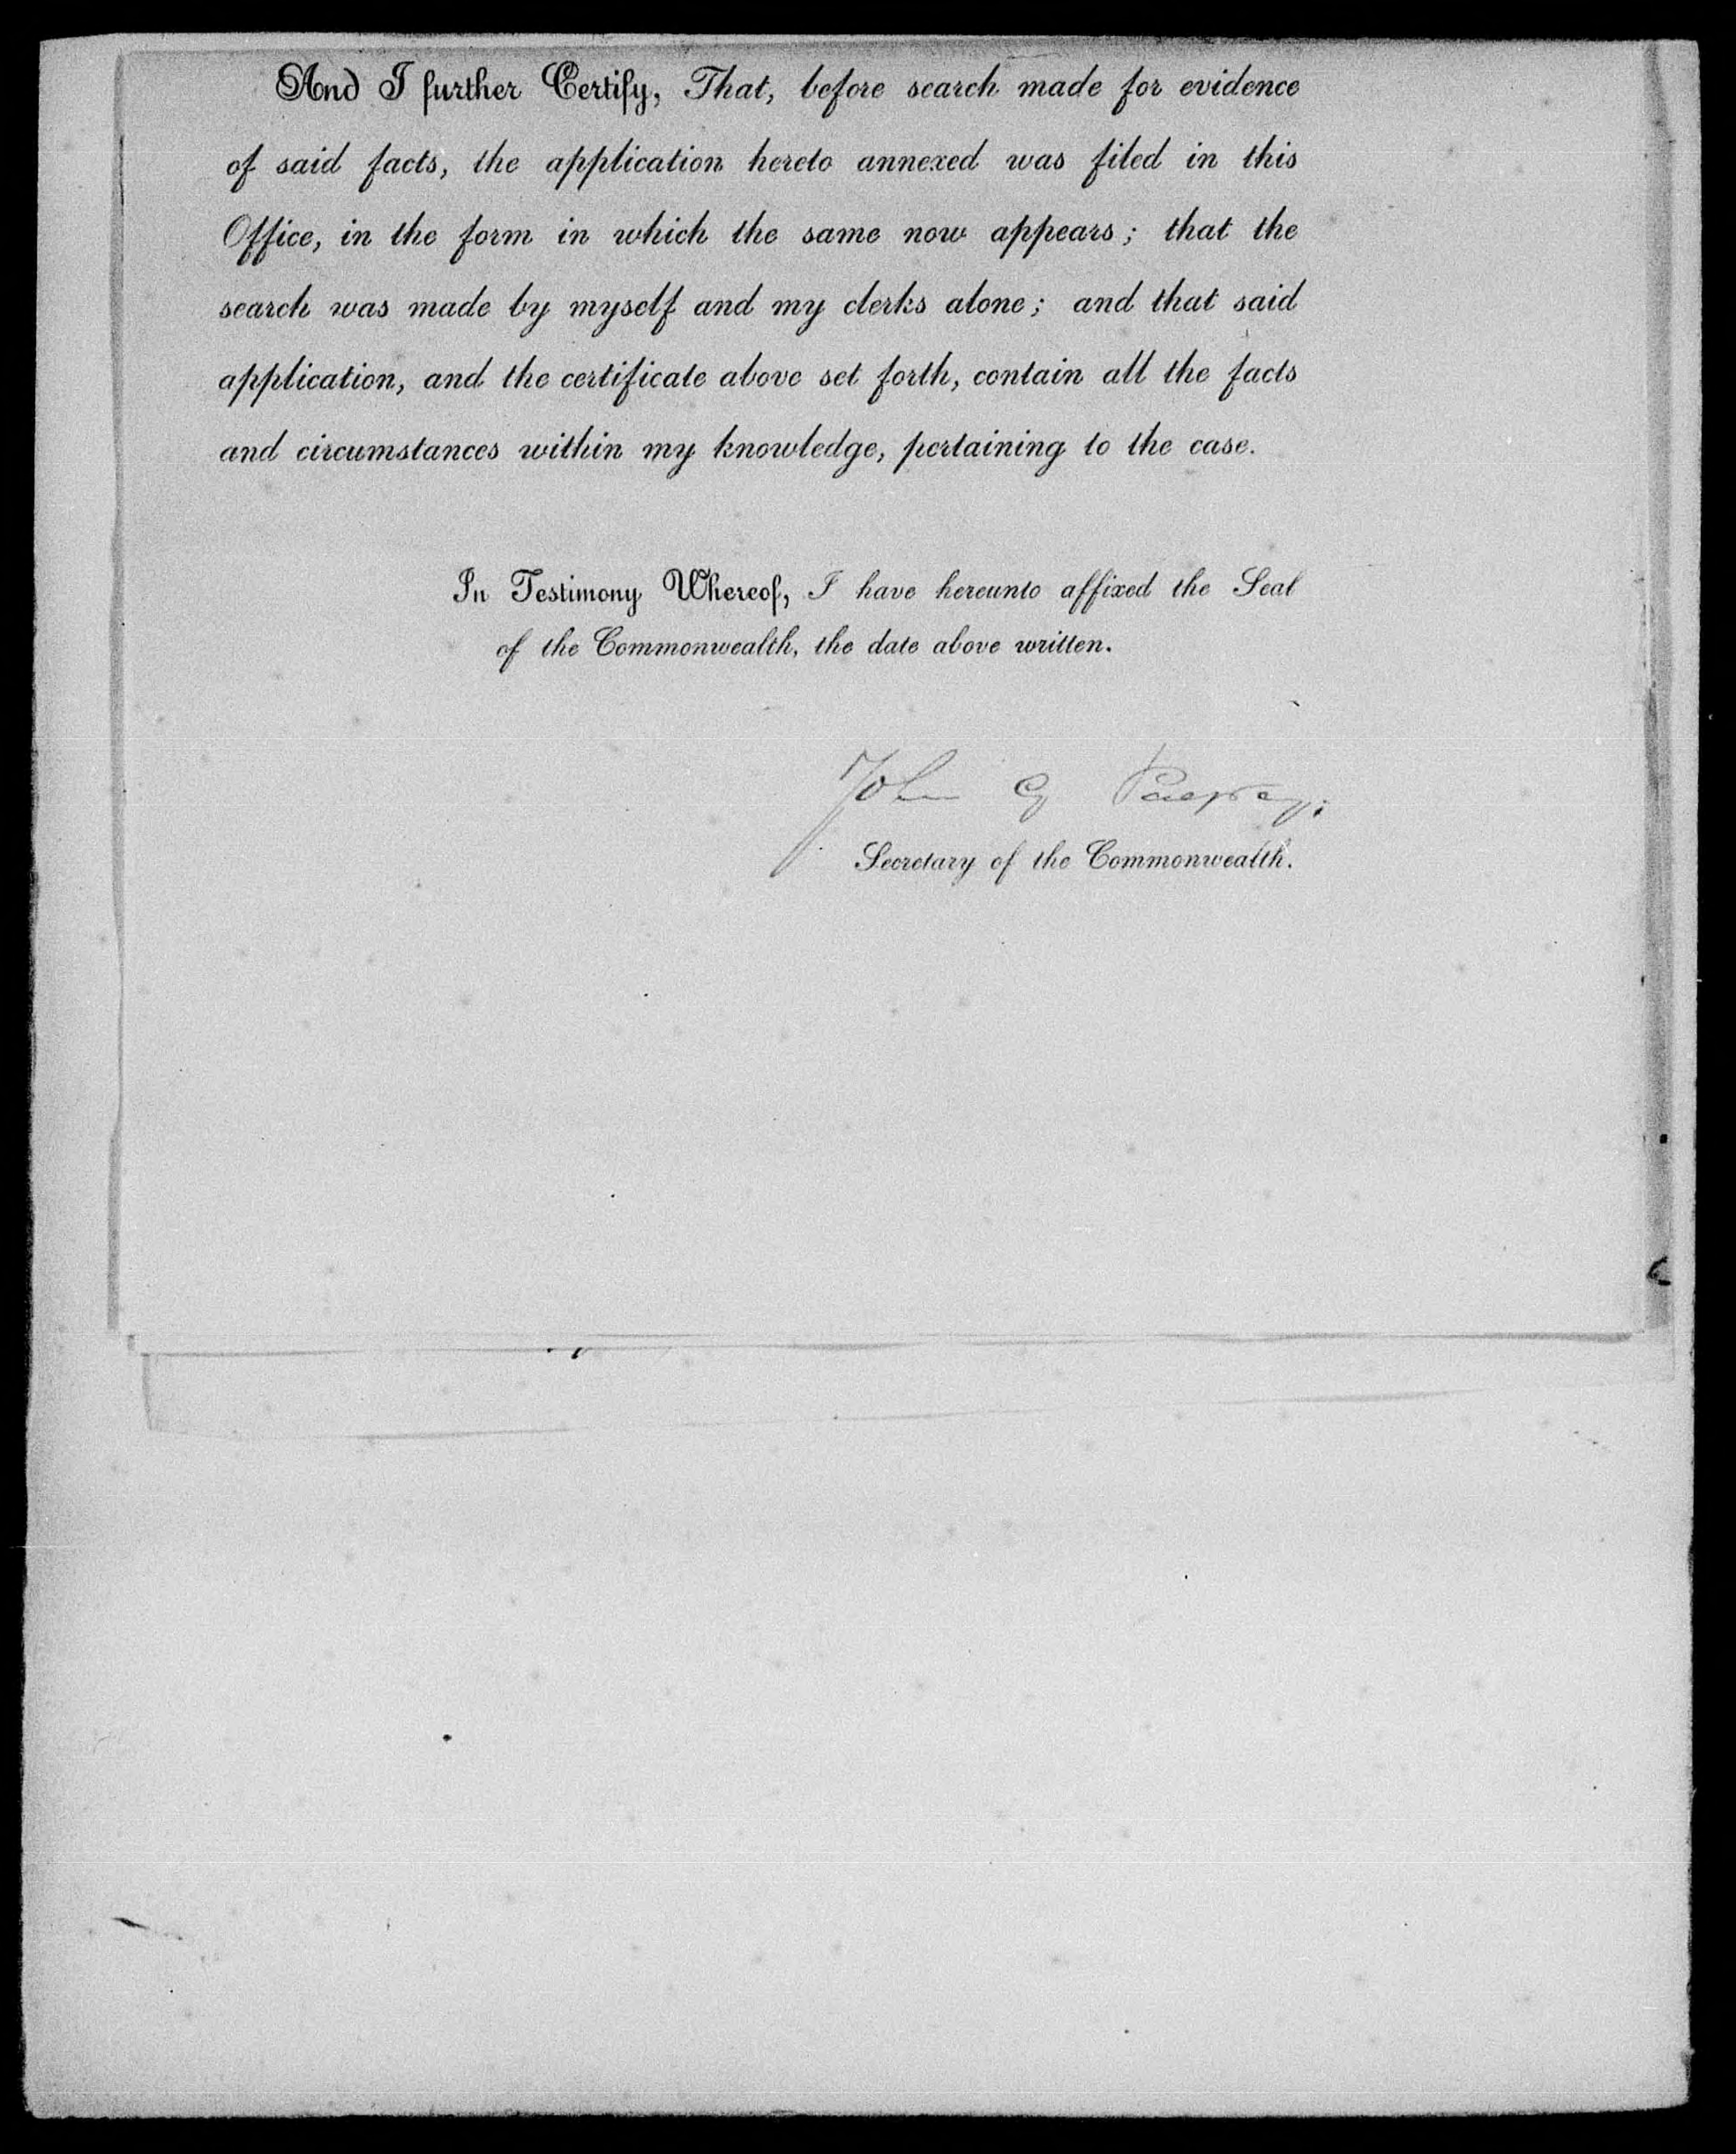And I further Certify, That, before search made for evidence of said facts, the application hereto annexed was filed in this Office, in the form in which the same now appears; that the search was made by myself and my clerks alone; and that said application, and the certificate above set forth, contain all the facts and circumstances within my knowledge, pertaining to the case.
In Testimony Whereof, I have hereunto affixed the Seal of the Commonwealth, the date above written. 
/s/John Q. Palfrey,
Secretary of the Commonwealth.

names: John Q Palfrey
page: 23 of 43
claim: survivor's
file: S. 28748, Eleazer Grover, Continental Mass. Vt.